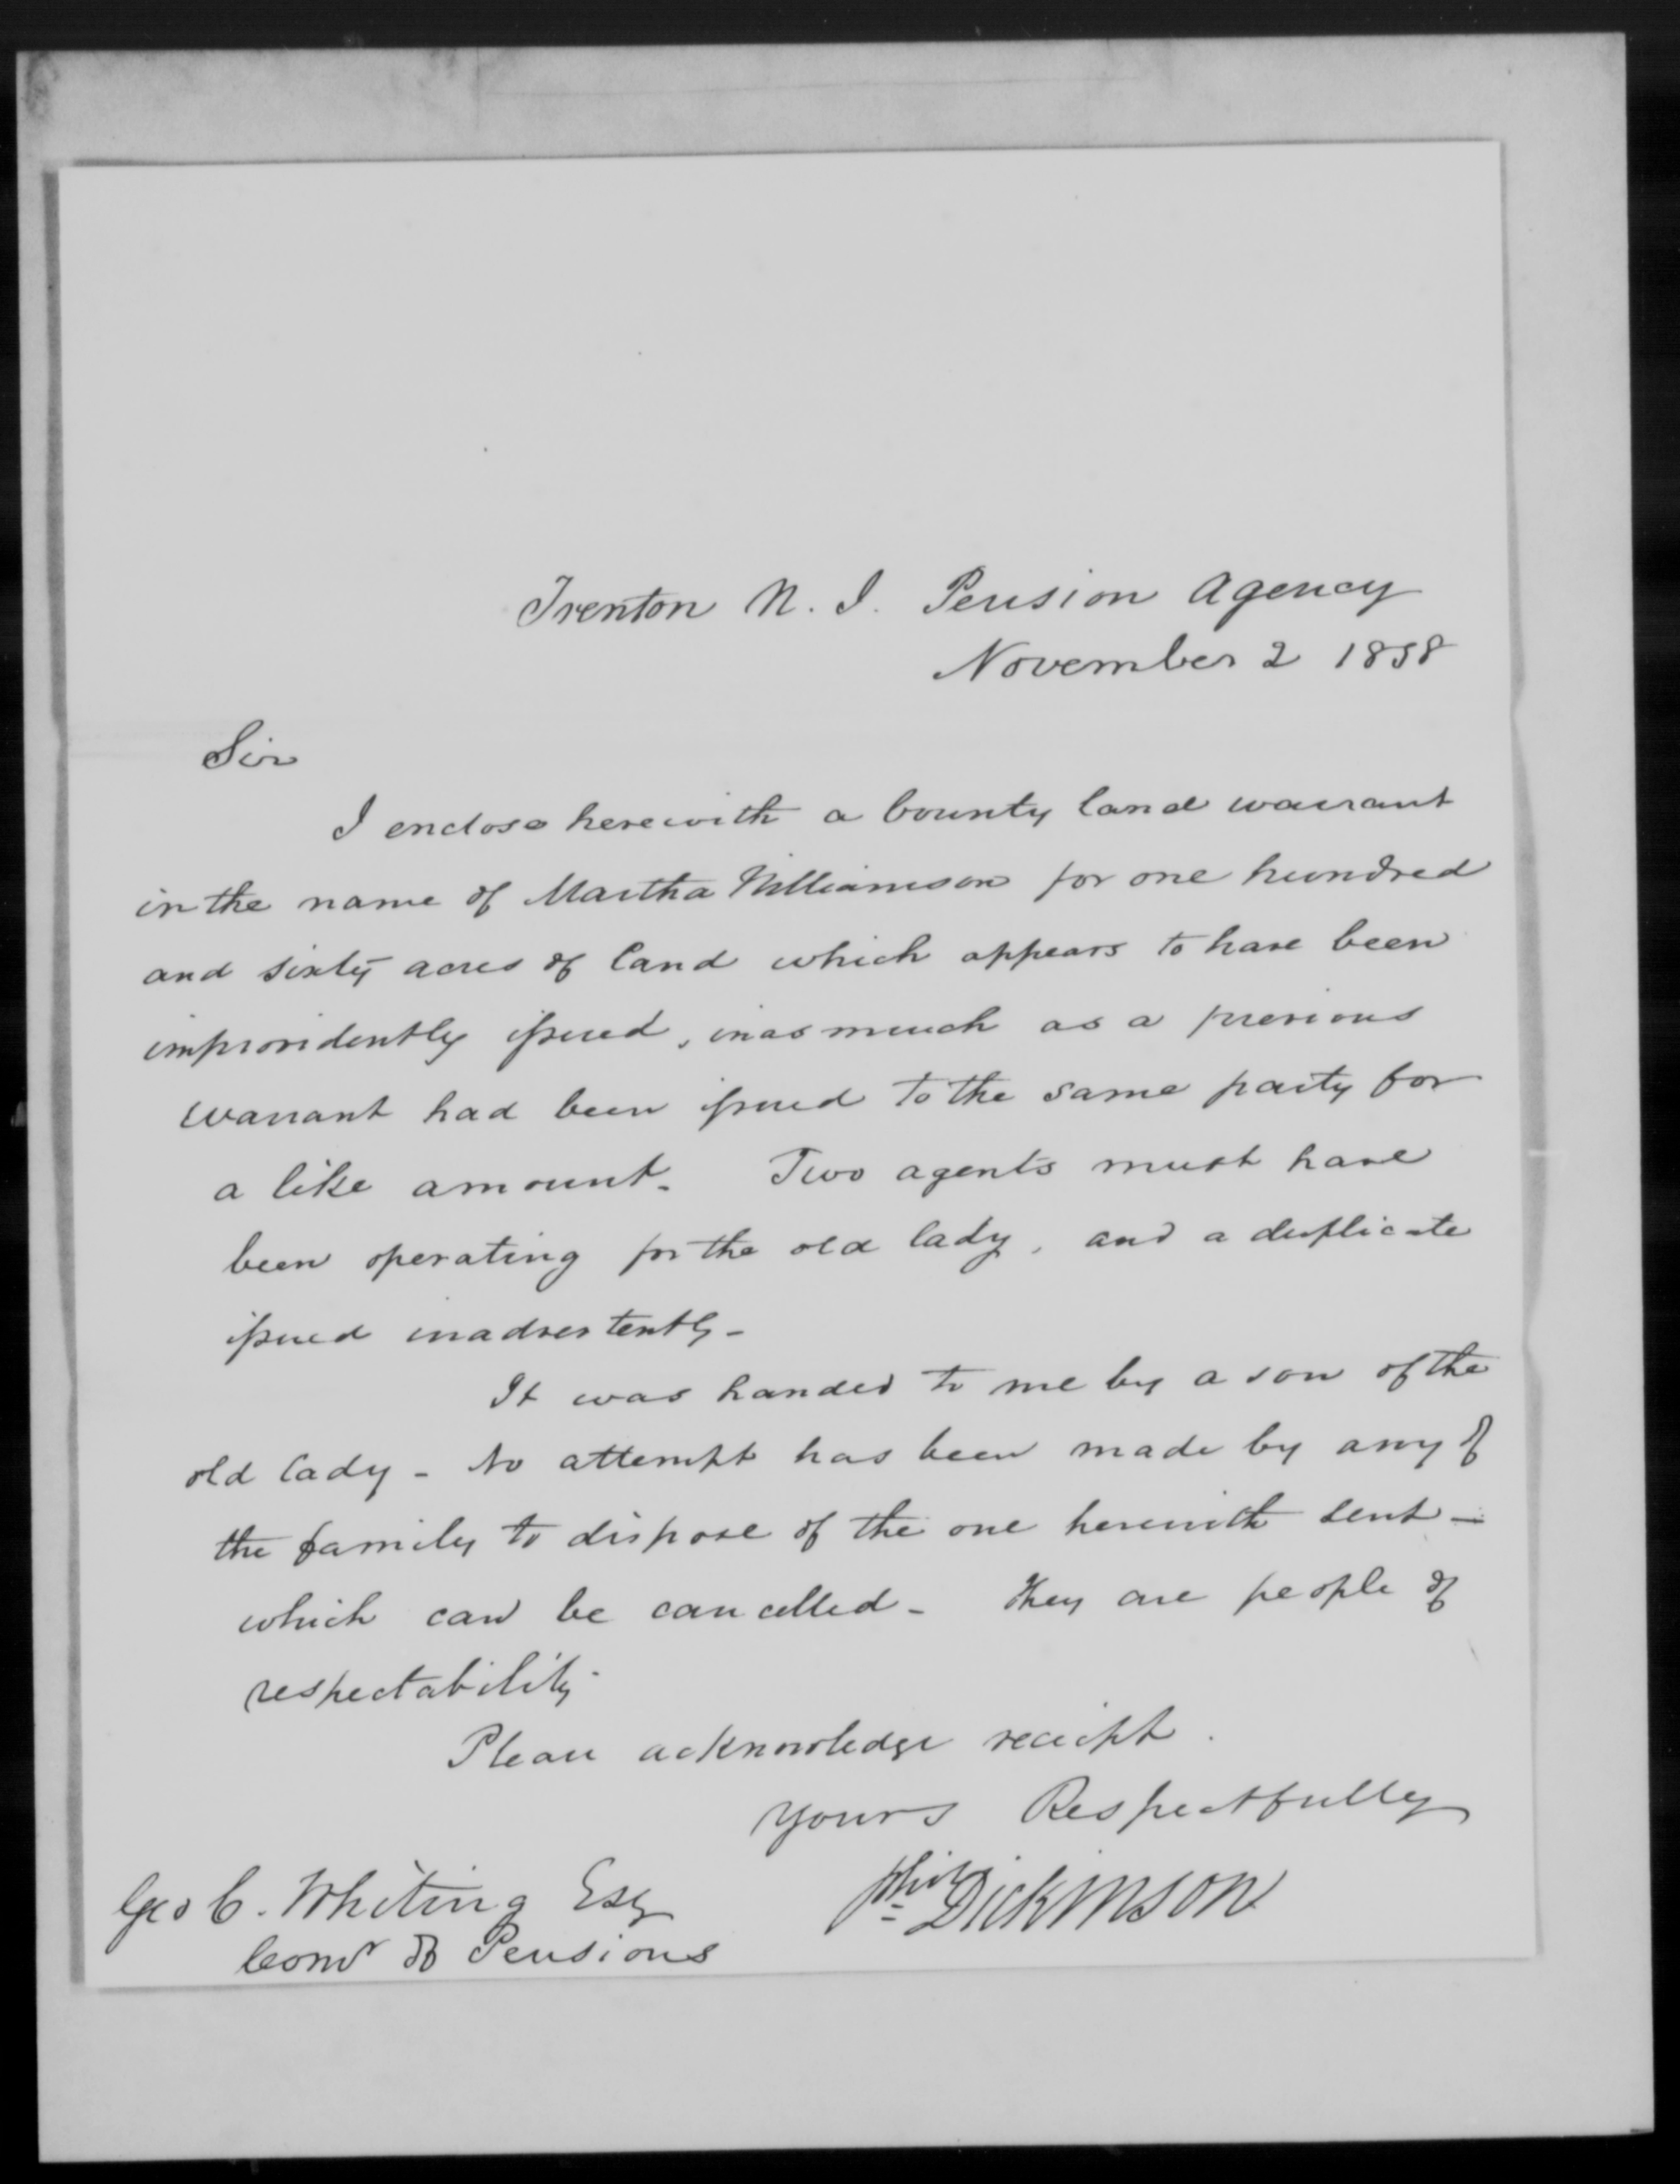Trenton N.J. Pension Agency.
November 2, 1858.

Sir,

I enclose herewith a Bounty Land Warrant in the name of Martha Williamson for one hundred and sixty acres of land, which appears to have been improvidently issued, in as much as a previous warrant had been issued to the same party for a like amount. Two agents must have been operating for the old lady, and a duplicate issued inadvertently.

It was handed to me by a son of the old lady. No attempt has been made by any of the family to dispose of the one herewith sent, which can be cancelled. They are people of respectability.

Please acknowledge receipt.

Yours respectfully,
s/ Phin(eas) Dickinson

Geo C. Whiting, Esq.
Comm(issioner) of Pensions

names: Phil Dickinson, Martha Williamson, Geo C Whiting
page: 28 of 67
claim: widow's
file: W. 2393, Jacob Williamson, New Jersey